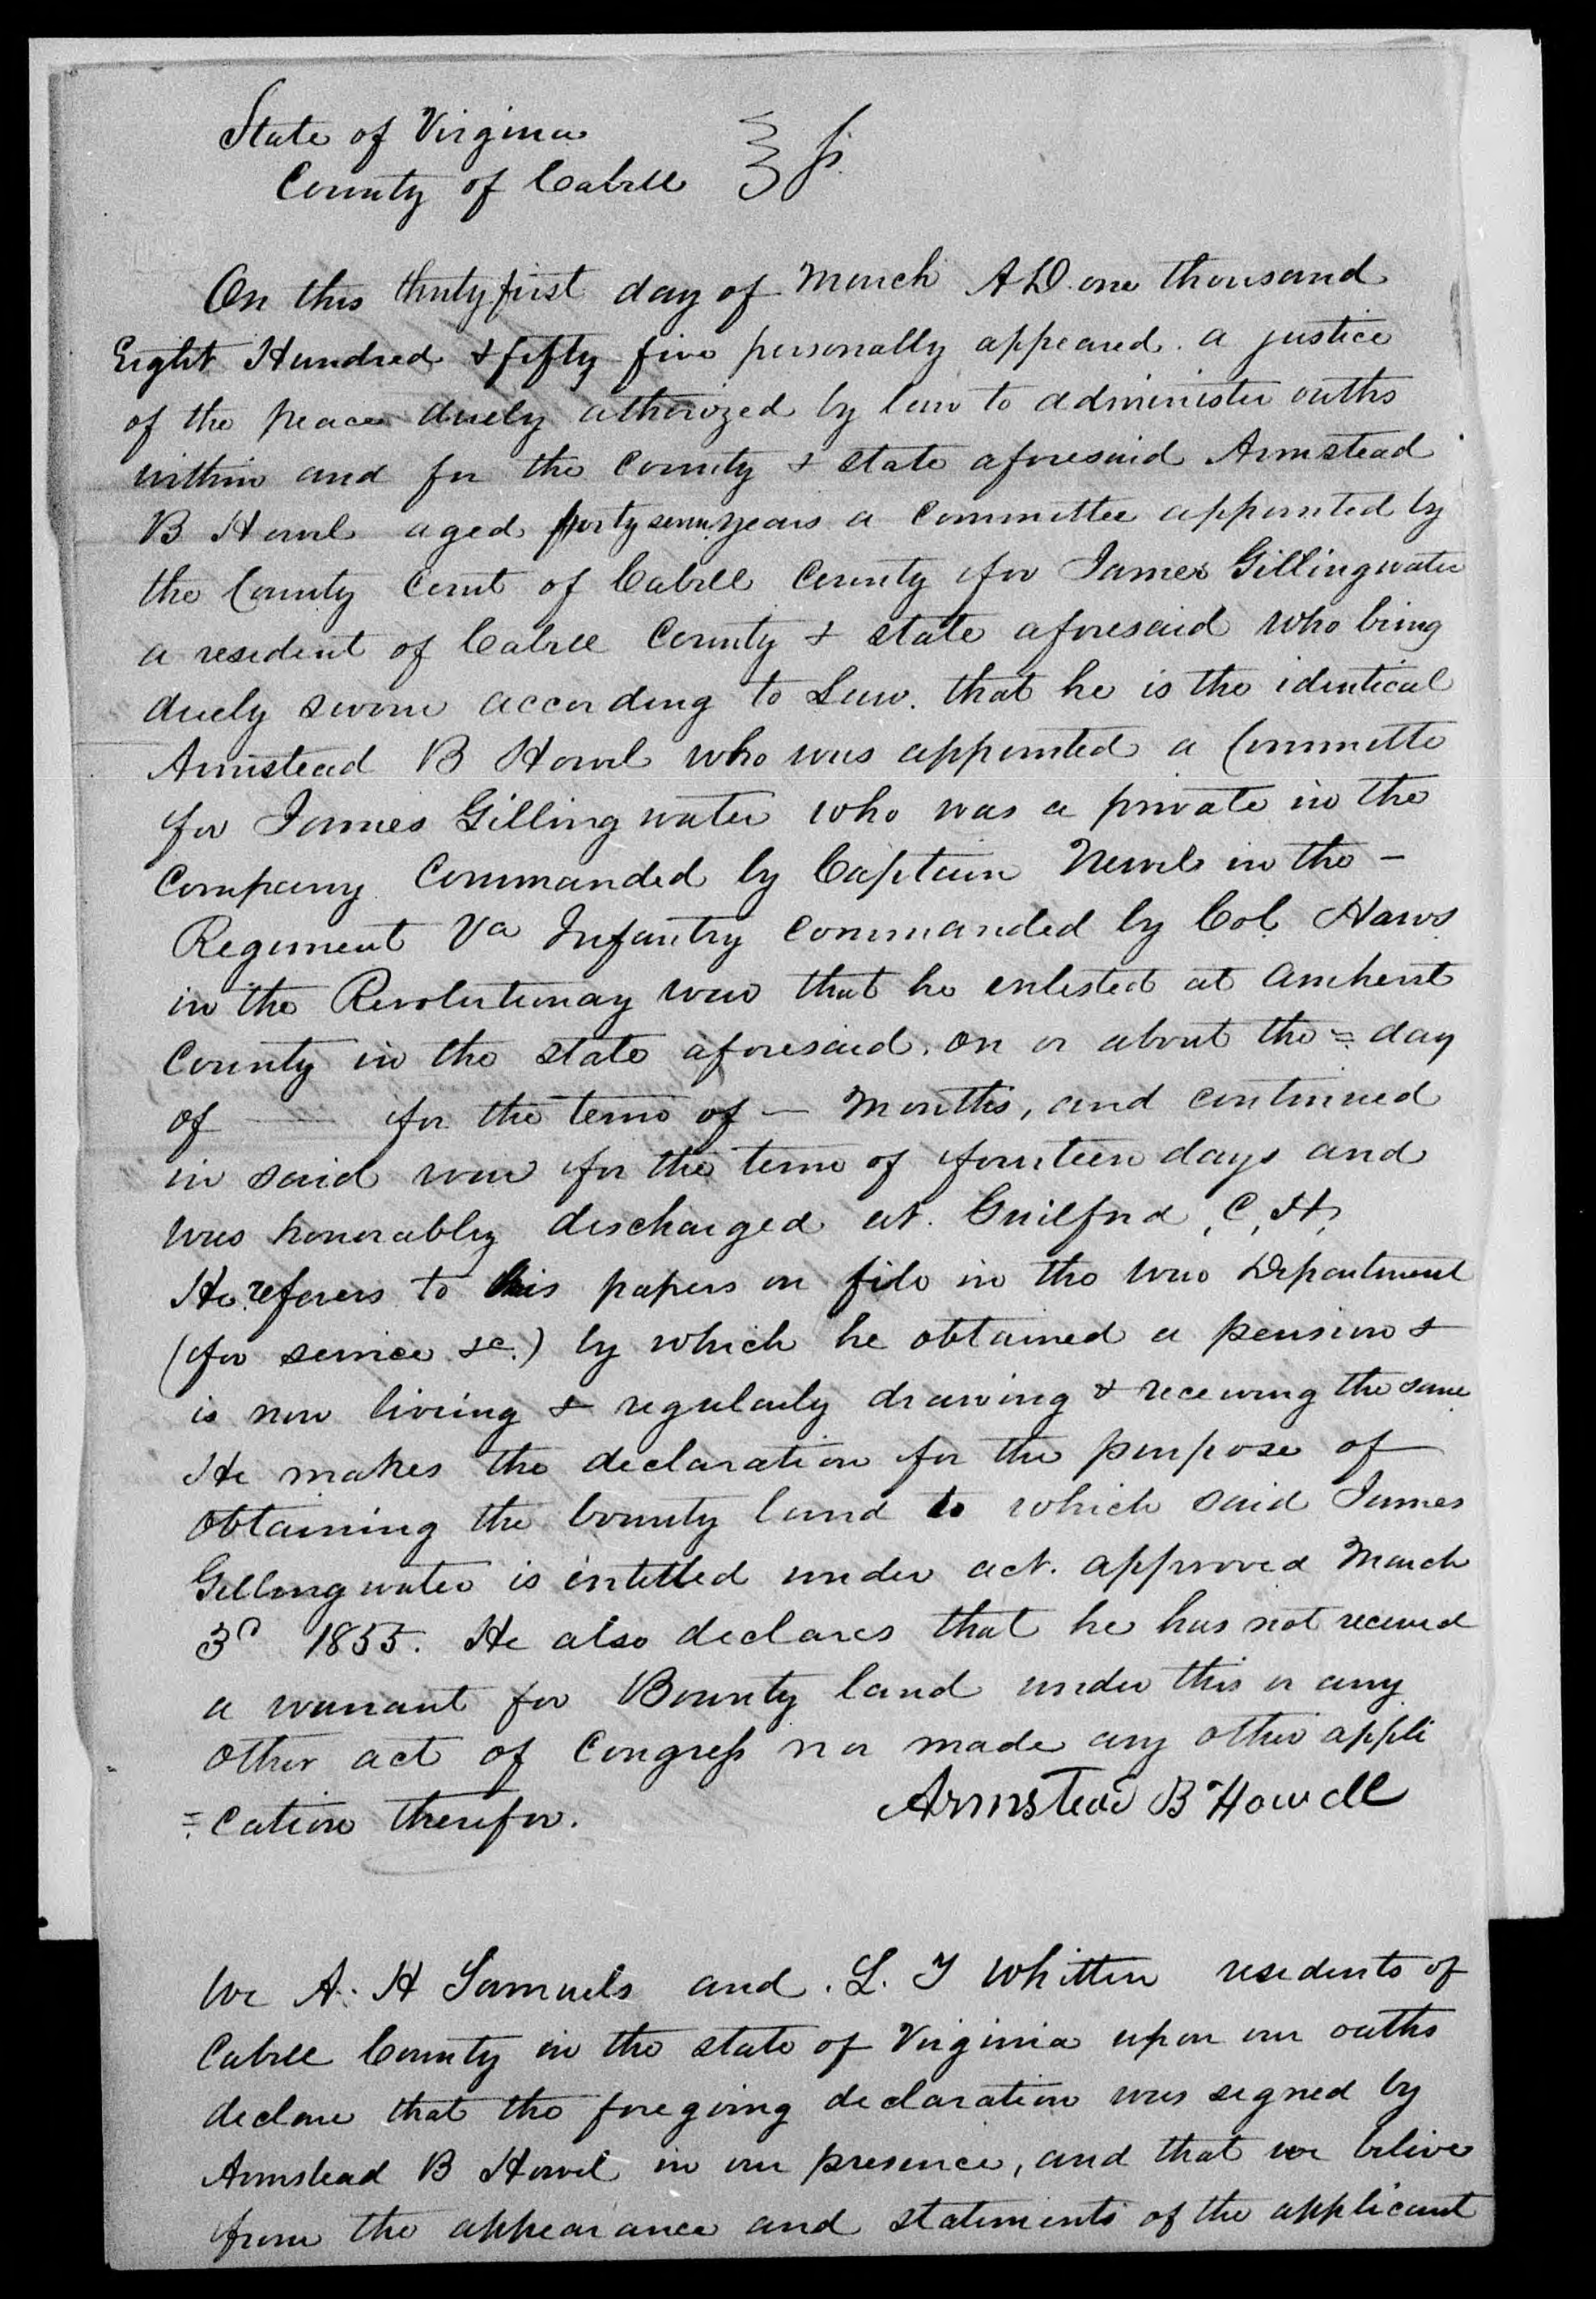State of Virginia
County of Cabell

On this thirty first day of March AD one thousand Eight Hundred & fifty five personally appeared a justice of the peace duely authorized by law to administer oaths within and for the county & state aforesaid Armstead B. Howel aged fifty seven years a committee appointed by the county court of Cabell County for James Gillingwater a resident of Cabell County & state aforesaid who being duely sworn according to law that he is the identical Armstead B. Howel who was appointed a committee for James Gillingwater who was a private in the company commanded by Captain Newel in the Regiment Va Infantry commanded by Col. Haw[e]s in the Revolutionary War that he enlisted at Amherst County in the state aforesaid. On or about the day of — for the time of — months, and continued in said war for the time of fourteen days and was honorably discharged at Guilford. C. H. [illegible] to his papers on file in the War Department (for services [illegible]) by which he obtained a pension & is now living & regularly drawing & receiving the same. He makes the declaration for the purpose of obtaining the bounty land to which said James Gillingwater is entitled under act approved March 3rd 1855. He also declares that he has not received a warrant for bounty land under this or any other act of Congress nor made any other applications therefor. 
Armstead B Howell

We A. H. Samuels and L. T. Whitton residents of Cabell County in the state of Virginia upon our oaths declare that the foregiving declaration was signed by Armstead B Howel in our presence, and that we believe from the appearance and statement of the applicant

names: Armstead B Howel, James Gillingwater, L T Whitton, Armstead B Howel, A H Samuels, Armstead B Howell, James Gillingwater, James Gillingwater, Hawes, Newel, Armstead B Howel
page: 13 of 36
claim: survivor's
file: S. 39570, James Gillingwater, Va.